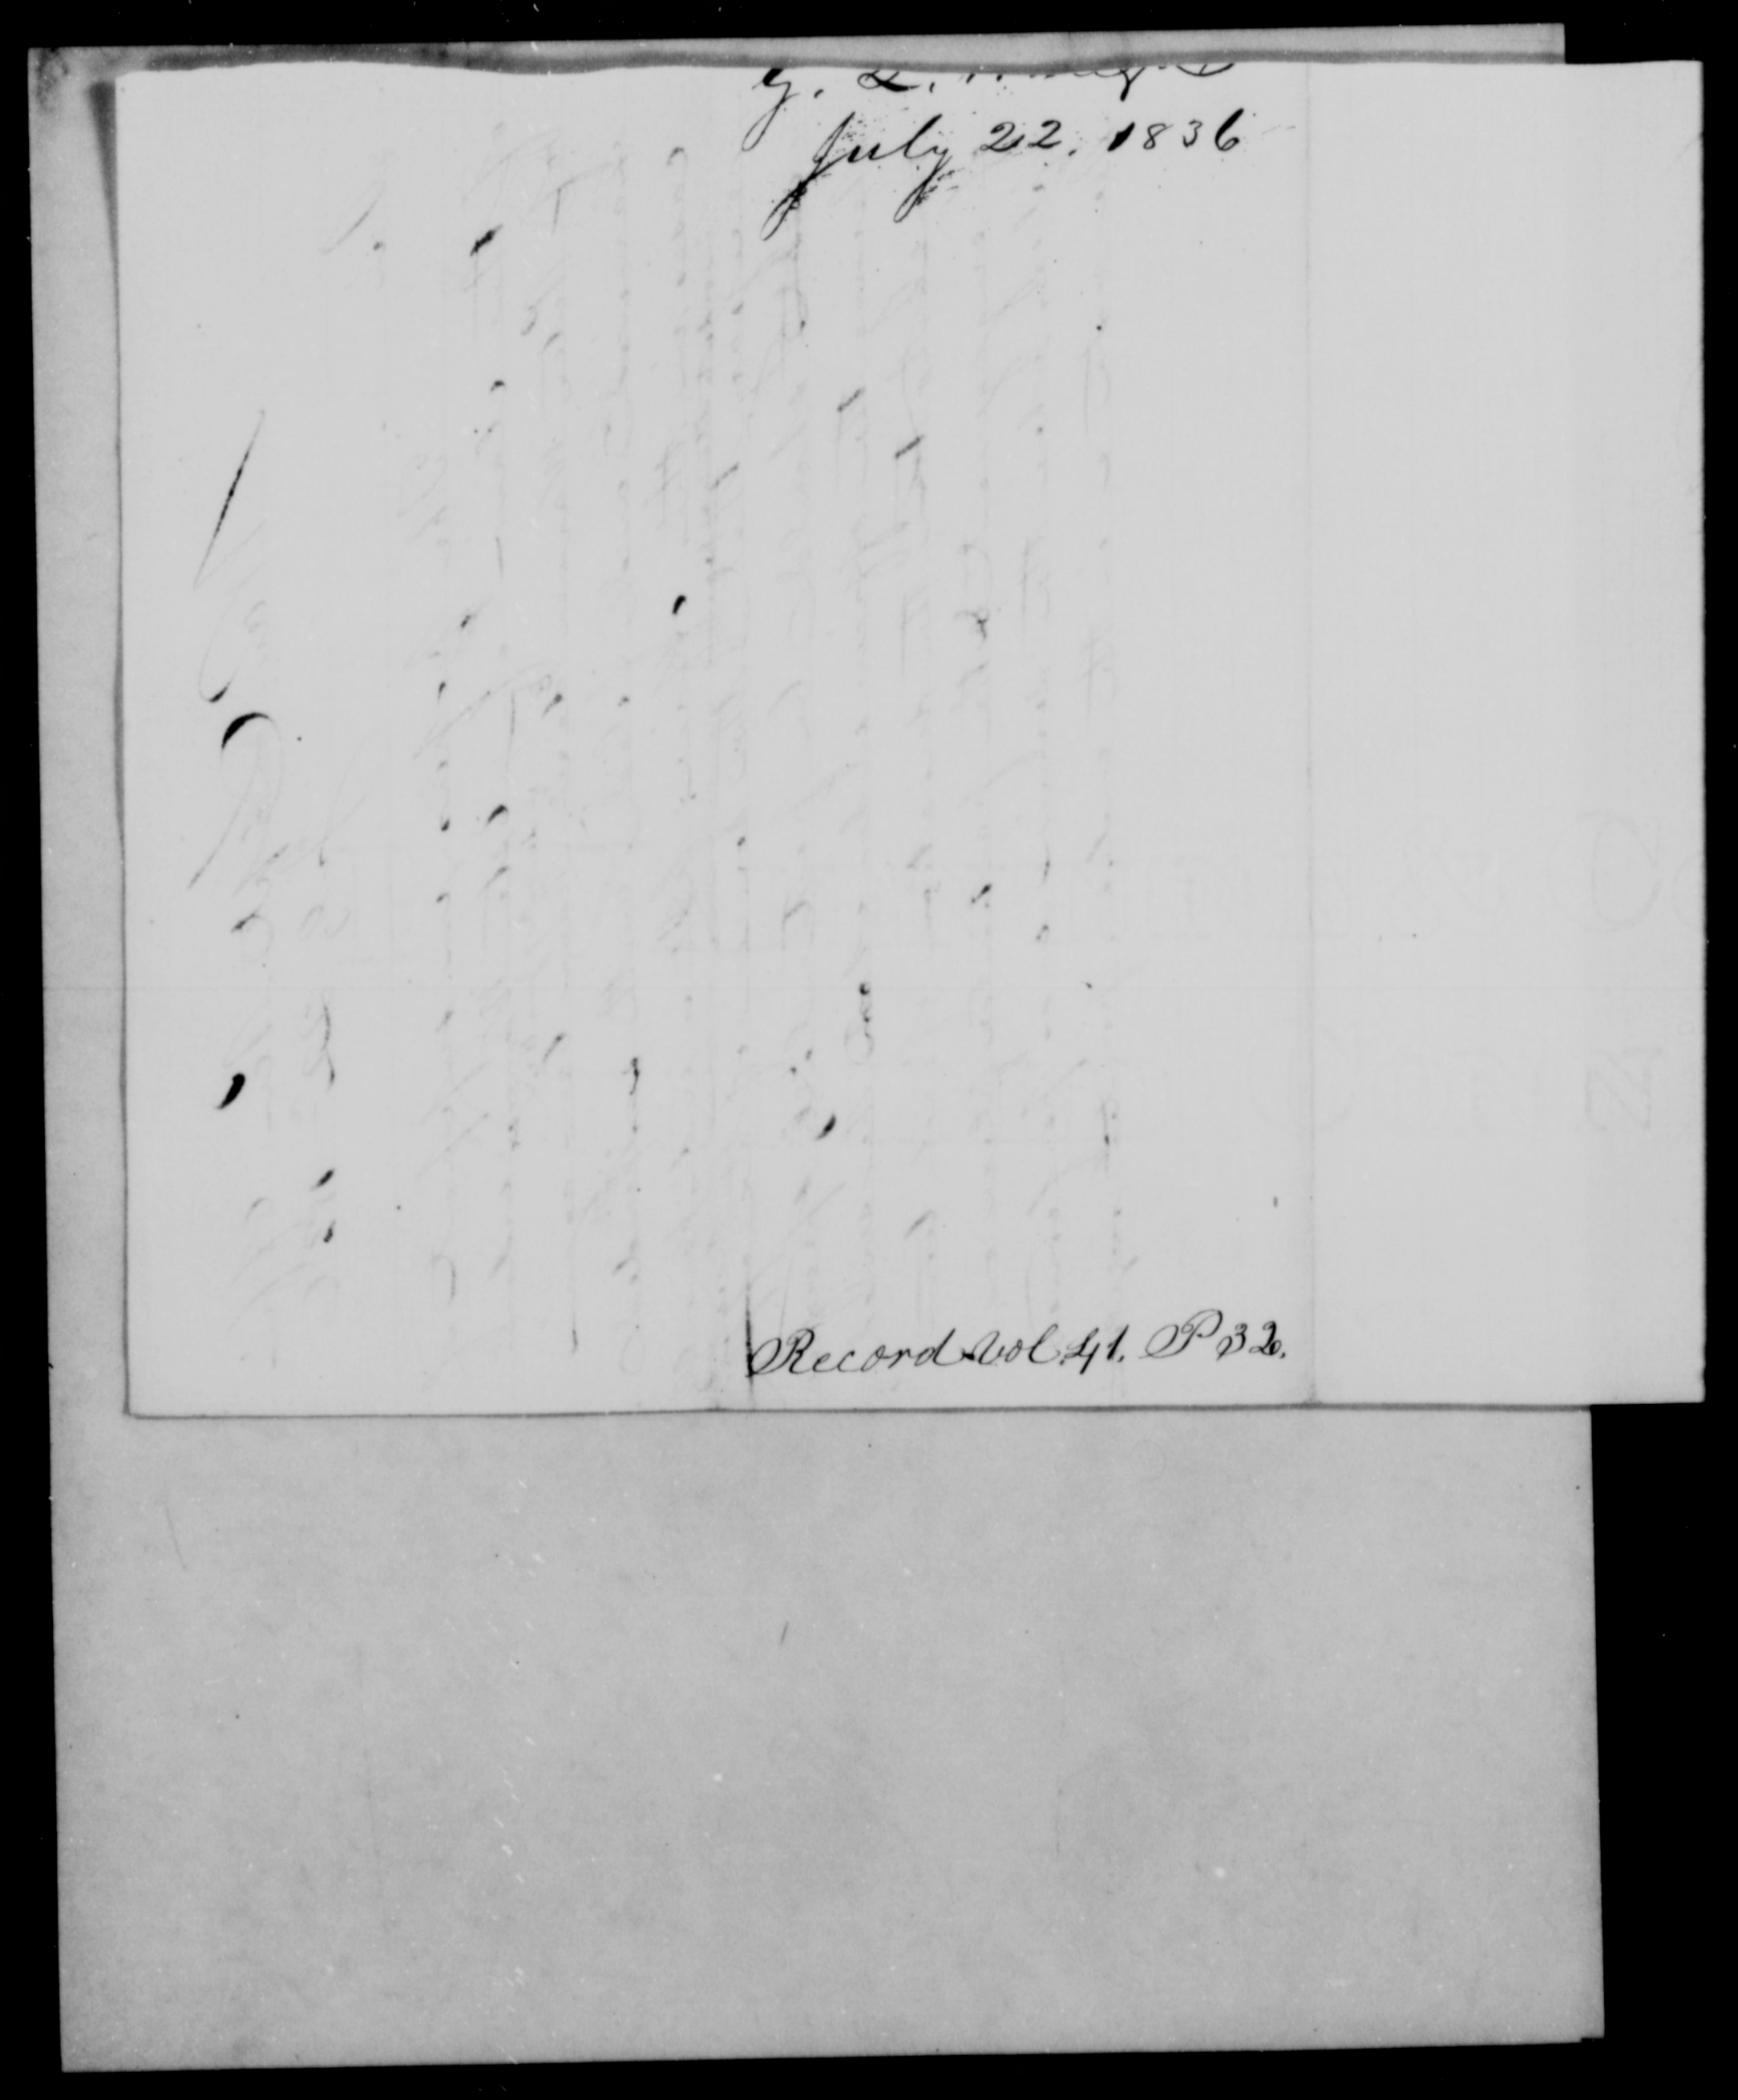[top line cut off; illegible]
July 22, 1836

Record Vol. 41. P 32.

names: G L Waugh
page: 13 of 14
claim: rejected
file: R 11149, Peter Worner, Md.